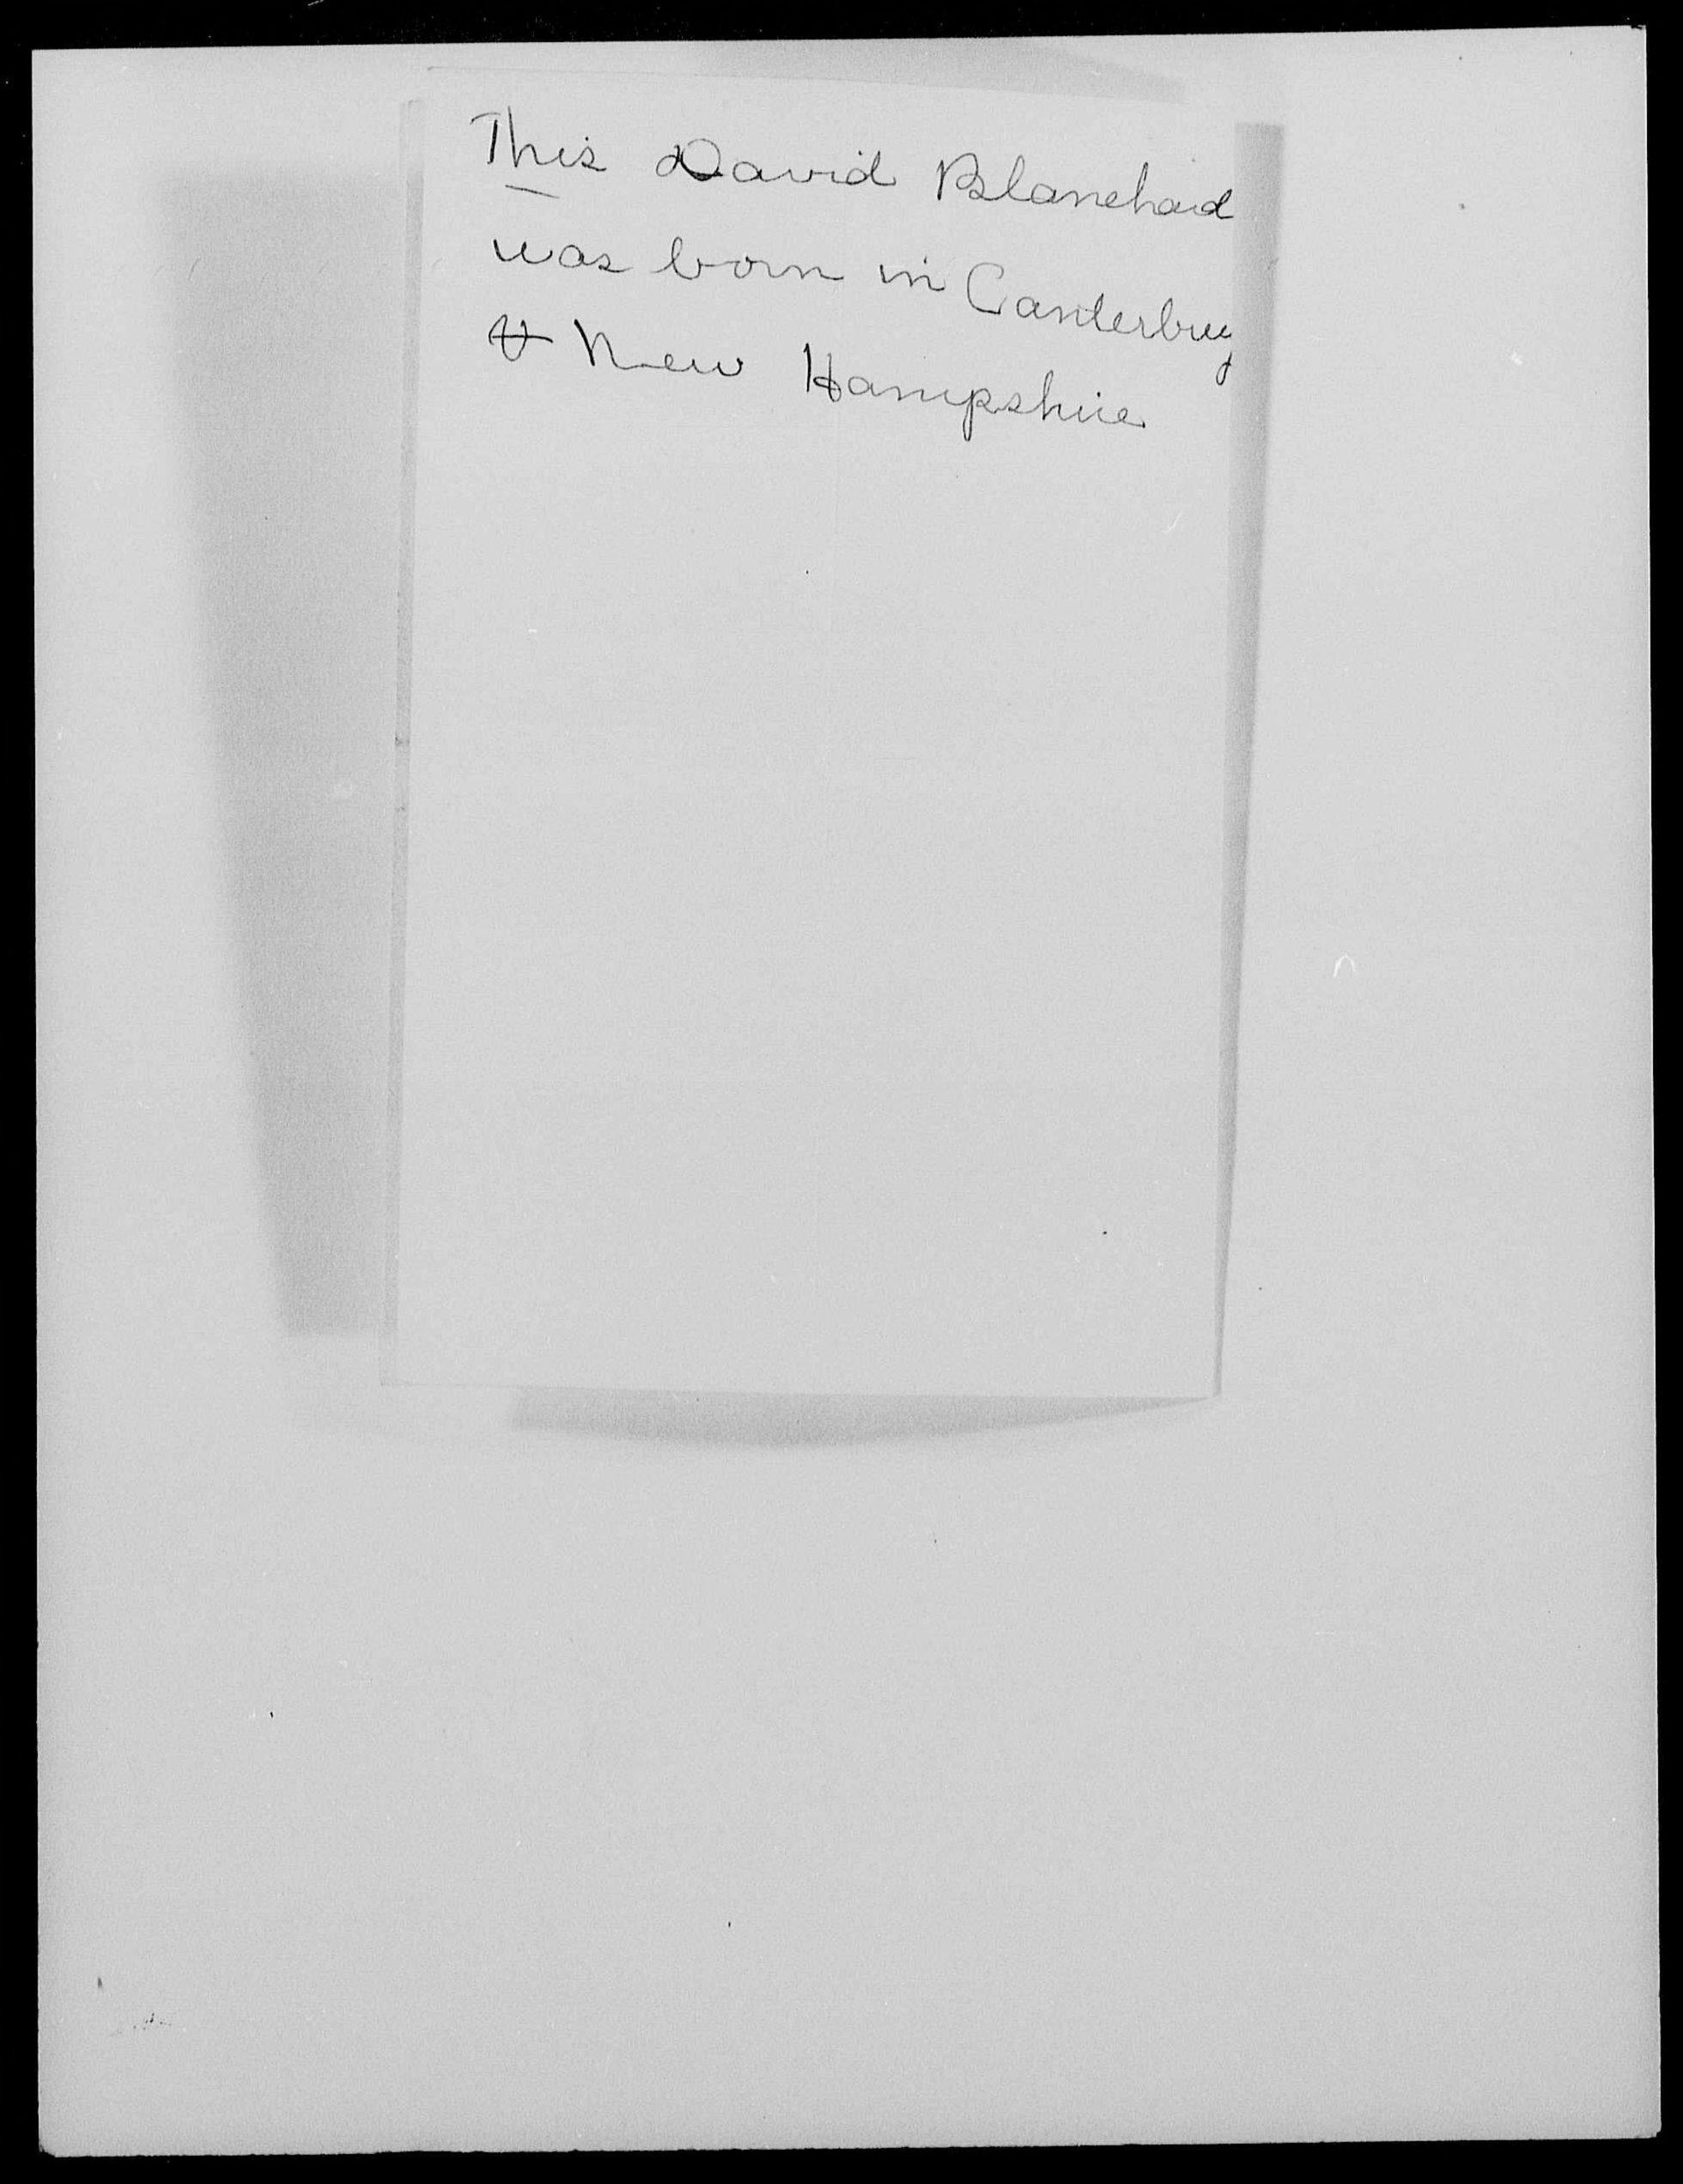This David Blanchard was born in Canterbury [V - crossed out] New Hampshire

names: David Blanchard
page: 17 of 23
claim: survivor's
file: S. 12237, David Blanchard, N. H.